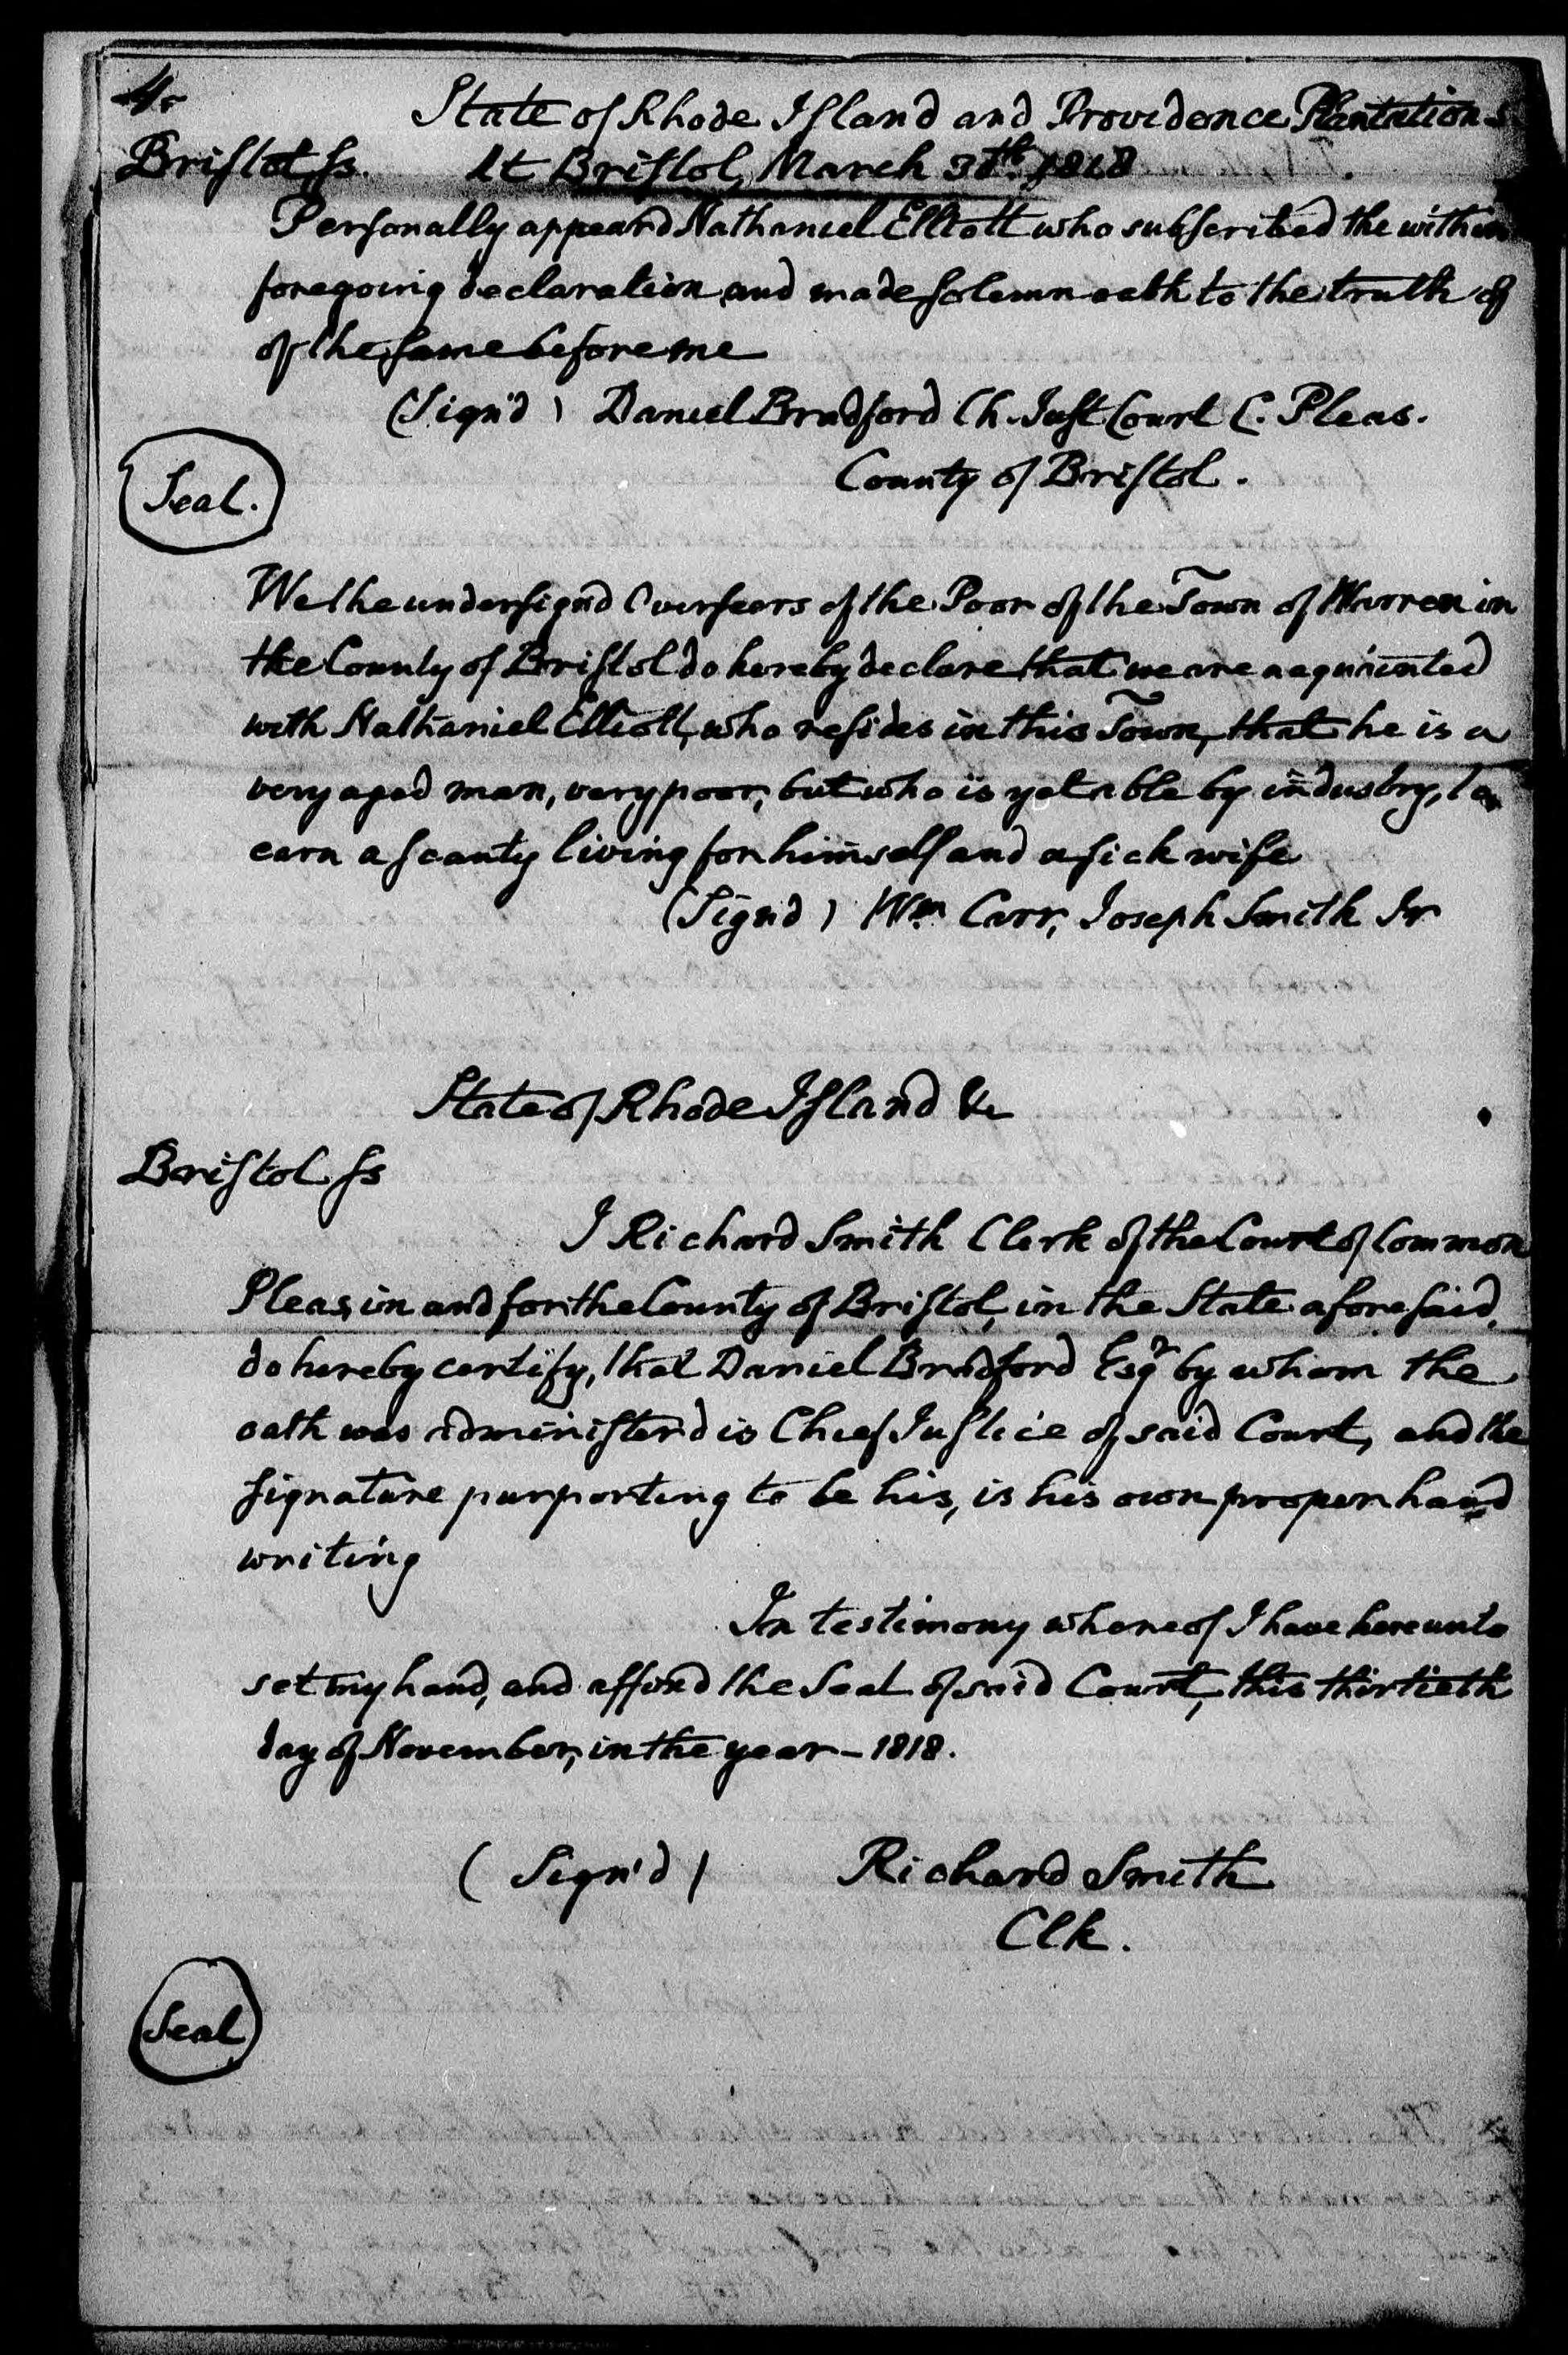4
State of Rhode Island and Providence Plantations
Bristol Ss.  At Bristol March 30th 1818
Personally appeared Nathaniel Elliott who subscribed the within
foregoing declaration and made solemn oath to the truth of
of the same before me
(Signed) Daniel Bradford Ch. Just Court C. Pleas
County of Bristol
(Seal)
We the undersigned Overseers of the Poor of the Town of Warren in
the County of Bristol do hereby declare that we are acquainted with
Nathaniel Elliott who resides in this Town, that he is a
very aged man, very poor, but who is notable by industry, to
earn a scanty living for himself and a sick wife
(Signed ) Wm Carr, Joseph Smith Jr
State of Rhode Island &c
Bristol Ss
I Richard Smith Clerk of the Court of Common
Pleas in and for the County of Bristol, in the State aforesaid 
do hereby certify that Daniel Bradford Esqr by whom the 
oath was administered is Chief Justice of said Court, and the
Signature purporting to be his, is his own proper hand
writing
In testimony whereof I have hereunto
set my hand and affixed the Seal of said Court, this thirtieth
day of November, in the year 1818
Sign'd 
Richard Smith
Clk
(Seal)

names: Wm Carr, Daniel Bradford, Joseph Smith, Nathaniel Elliott, Richard Smith, Richard Smith, Nathaniel Elliott, Daniel Bradford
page: 28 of 29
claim: survivor's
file: S. 38679, Nathaniel Elliot, Continental R.I.